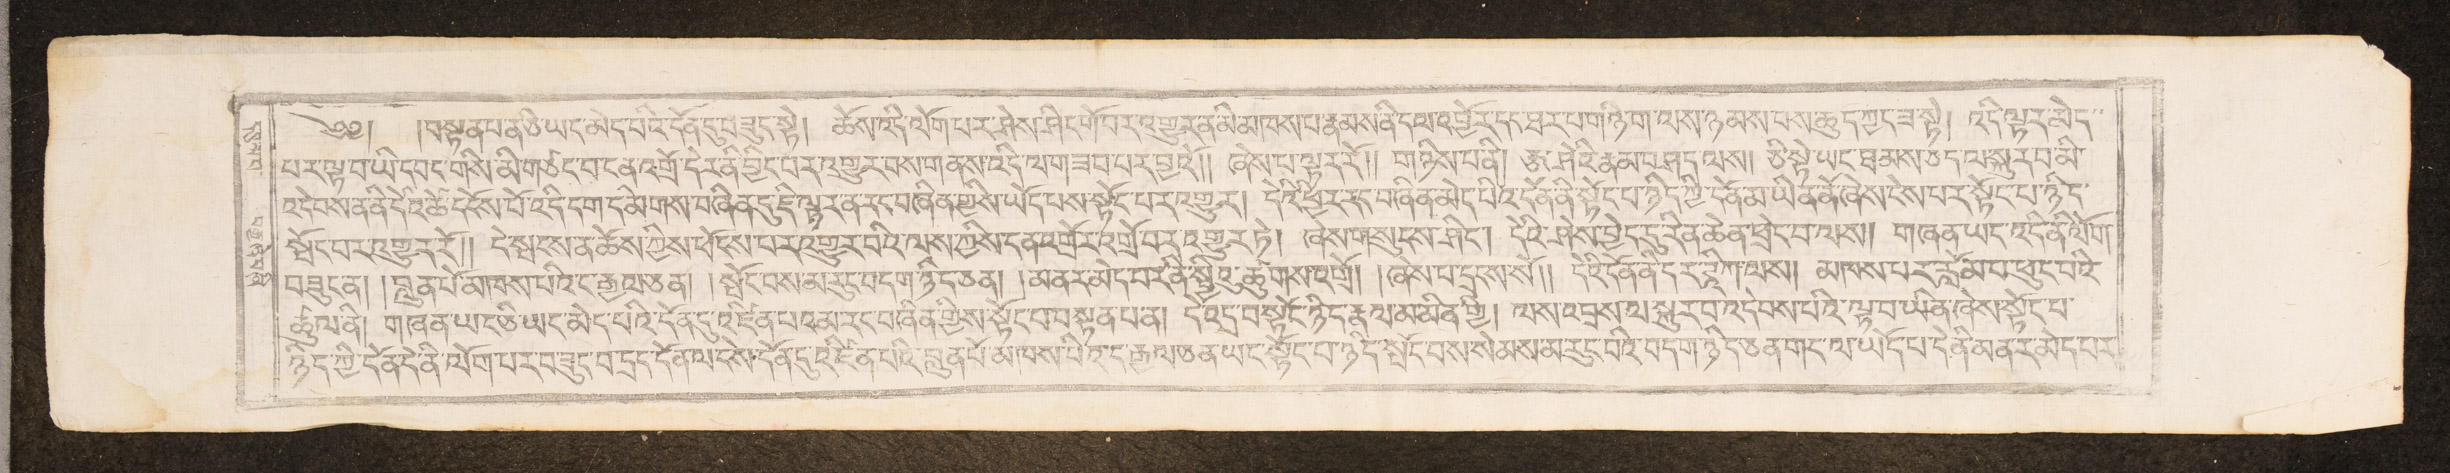༄༅། །བསྟན་པ་ན་ཅི་ཡང་མེད་པའི་དོན་དུ་བཟུང་སྟེ། ཆོས་འདི་ལོག་པར་ཤེས་ཤིང་གོ་བར་འགྱུར་ན་མི་མཁས་པ་རྣམས་ནི་དལ་འབྱོར་དང་ཐར་པ་གཉི་ག་ལས་ཉམས་པས་ཆུད་ཀྱང་ཟ་སྟེ། འདི་ལྟར་མེད་
པར་ལྟ་བ་ཡི་དབང་གིས་མི་ཙང་བ་ངན་འགྲོ་དེར་ནི་བྱིང་བར་འགྱུར་བས་གནས་འདི་ལ་གཟབ་པར་བྱའོ།། ཞེས་པ་ལྟར་རོ། །གཉིས་པ་ནི། རྩ་ཤེའི་རྣམ་བཤད་ལས། ཅི་སྟེ་ཡང་ཐམས་ཅད་ལས་སྐུར་བ་མི་
འདེབས་ན་ནི་དེའི་ཚེ་དངོས་པོ་འདི་དག་དམིགས་བཞིན་དུ་ཇི་ལྟར་ན་རང་བཞིན་གྱིས་ཡོད་པས་སྟོང་པར་འགྱུར། དེའི་ཕྱིར་རང་བཞིན་མེད་པའི་དོན་ནི་སྟོང་པ་ཉིད་ཀྱི་དོན་མ་ཡིན་ནོ་ཞེས་ངེས་པར་སྟོང་པ་ཉིད་
སྤོང་པར་འགྱུར་རོ།། དེ་སྤངས་ན་ཆོས་ཀྱིས་ཕོངས་པར་འགྱུར་བའི་ལས་ཀྱིས་ངན་འགྲོར་འགྲོ་བར་འགྱུར་ཏེ། ཞེས་གསུངས་ཤིང་། དེའི་ཤེས་བྱེད་དུ་རིན་ཆེན་ཕྲེང་བ་ལས། གཞན་ཡང་འདི་ནི་ལོག་
བཟུང་ན། །བླུན་པོ་མཁས་པའི་ང་རྒྱལ་ཅན། །སྤོང་བས་མ་རུང་བདག་ཉིད་ཅན། །མནར་མེད་པར་ནི་སྤྱིའུ་ཚུགས་འགྲོ། །ཞེས་པ་དྲངས་སོ། །དེའི་དོན་ནི་དར་ཊཱིཀ་ལས། མཁས་པར་རློམ་པ་ཕུང་བའི་
ཚུལ་ནི། གཞན་ཡང་ཅི་ཡང་མེད་པའི་དོན་དུ་འཛིན་པའམ་རང་བཞིན་གྱིས་སྟོང་པ་བསྟན་པ་ན། །དེ་འདྲ་བ་སྟོང་ཉིད་རྣལ་མ་མིན་གྱི། ལས་འབྲས་ལ་སྐུར་བ་འདེབས་པའི་ལྟ་བ་ཡིན་ཞེས་སྟོང་པ་
ཉིད་ཀྱི་དོན་དེ་ནི་ལོག་པར་བ་ཟུང་བ་དྲད་དོན་ལ་ངེས་དོན་དུ་འཛིན་པའི་བླུན་པོ་མཁས་པའི་ད་རྒྱལ་ཅན་ཡང་སྟོང་པ་ཉིད་སྤོང་བས་སེམས་རུང་བའི་བདག་ཉིད་ཅན་གང་ལ་ཡོད་པ་དེ་ནི་མནར་མེད་པར་